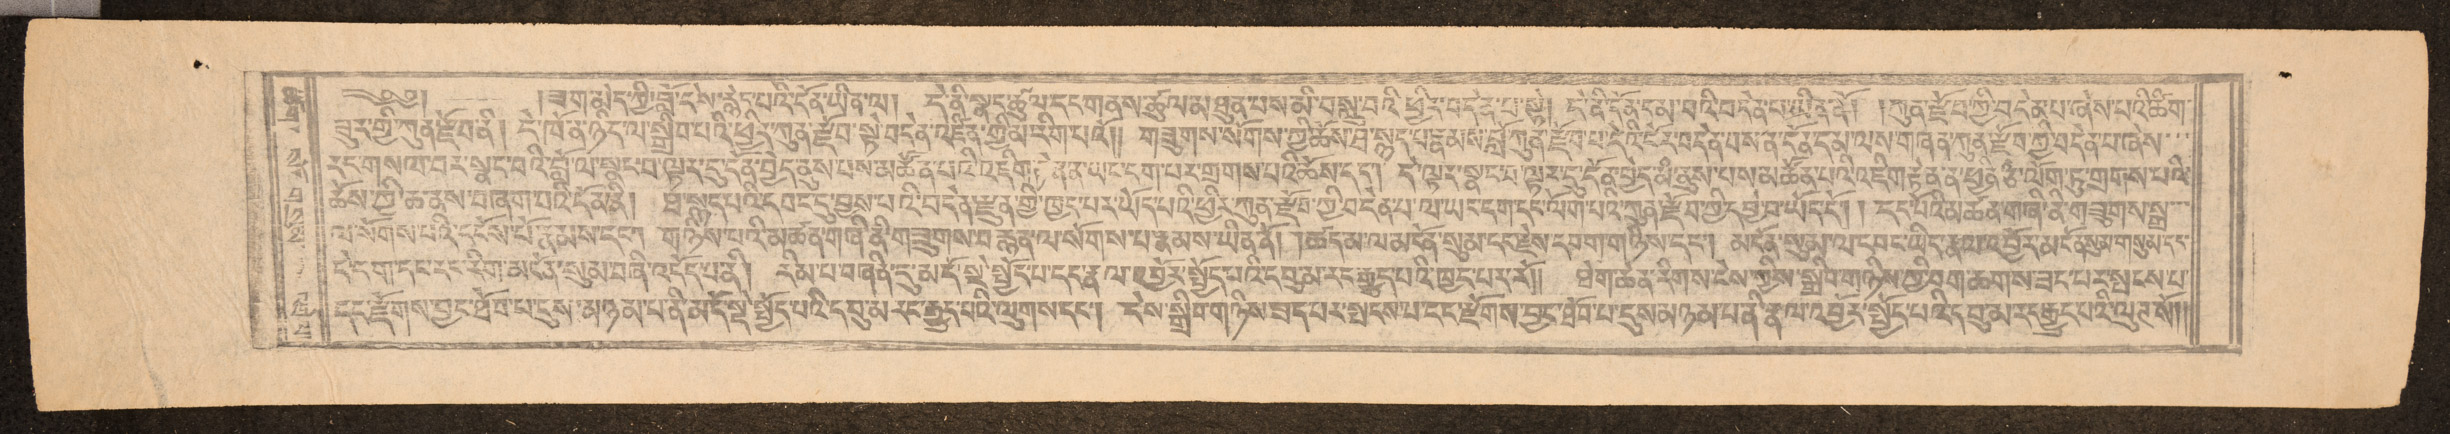༄༅། །ཟག་མེད་ཀྱི་བློ་ངེས་རྙེད་པའི་དོན་ཡིན་ལ། དེ་ནི་སྣང་ཚུལ་དང་གནས་ཚུལ་མཐུན་པས་མི་བསླུ་བའི་ཕྱིར་བདེན་པ་སྟེ། དེ་ནི་དོན་དམ་པའི་བདེན་པ་ཡིན་ནོ། །ཀུན་རྫོབ་ཀྱི་བདེན་པ་ཞེས་པའི་ཚིག་
ཟུར་གྱི་ཀུན་རྫོབ་ནི། དེ་ཁོ་ན་ཉིད་ལ་སྒྲིབ་པའི་ཕྱིར་ཀུན་རྫོབ་སྟེ་བདེན་འཛིན་གྱི་མ་རིག་པའོ།། གཟུགས་སོགས་ཀྱི་ཆོས་ཐ་སྙད་པ་རྣམས་བློ་ཀུན་རྫོབ་པ་དེའི་དོར་བདེན་པས་ན་དོན་དམ་ལས་གཞན་ཀུན་རྫོབ་ཀྱི་བདེན་པ་ཞེས་
རང་གསལ་བར་སྣང་བའི་བློ་ལ་སྣང་བ་ལྟར་དུ་དོན་བྱེད་ནུས་པས་མཚོན་པའི་འཇིག་རྟེན་ན་ཡང་དག་པར་གྲགས་པའི་ཆོས་དང་། དེ་ལྟར་སྣང་བ་ལྟར་དུ་དོན་བྱེད་མི་ནུས་པས་མཚོན་པའི་འཇིག་རྟེན་ན་ཕྱིན་ཅི་ལོག་ཏུ་གྲགས་པའི་
ཆོས་ཀྱི་ཆ་ནས་བཞག་པའི་དོན་ནི། ཐ་སྙད་པའི་དབང་དུ་བྱས་པའི་བདེན་རྫུན་གྱི་ཁྱད་པར་ཡོད་པའི་ཕྱིར་ཀུན་རྫོབ་ཀྱི་བདེན་པ་ལ་ཡང་དག་དང་ལོག་པའི་རྫོབ་ཀྱི་དབྱེ་བ་ཡོད་དེ། དང་པོའི་མཚན་གཞི་ནི་གཟུགས་སྒྲ་
ལ་སོགས་པའི་དངོས་པོ་རྣམས་དང་། གཉིས་པའི་མཚན་གཞི་ནི་གཟུགས་བརྙན་ལ་སོགས་པ་རྣམས་ཡིན་ནོ། །ཚད་མ་ལ་མངོན་སུམ་དང་རྗེས་དཔག་གཉིས་དང་། མངོན་སུམ་ལ་དབང་ཡིད་རྣལ་འབྱོར་མངོན་སུམ་གསུམ་དང་
དེ་དག་དང་རང་རིག་མངོན་སུམ་བཞི་འདོད་པ་ནི། རིམ་པ་བཞིན་དུ་མདོ་སྔེ་སྤྱོད་པ་དང་རྣལ་འབྱོར་སྤྱོད་པའི་དབུ་མ་རང་རྒྱུད་པའི་ཁྱད་པར་རོ།། ཐེག་ཆེན་རིགས་ངེས་ཀྱིས་སྒྲིབ་གཉིས་ཀྱི་བག་ཆགས་ཟད་པར་སྤངས་པ་
དང་རྫོགས་བྱང་ཐོབ་པ་དུས་མཉམ་པ་ནི་མདོ་སྡེ་སྤྱོད་པའི་དབུ་མ་རང་རྒྱུད་པའི་ལུགས་དང་། དེས་སྒྲིབ་གཉིས་ཟད་པར་སྤངས་པ་དང་རྫོགས་བྱང་ཐོབ་པ་དུས་མཉམ་པ་ནི་རྣལ་འབྱོར་སྤྱོད་པའི་དབུ་མ་རང་རྒྱུད་པའི་ལུགས་སོ།།